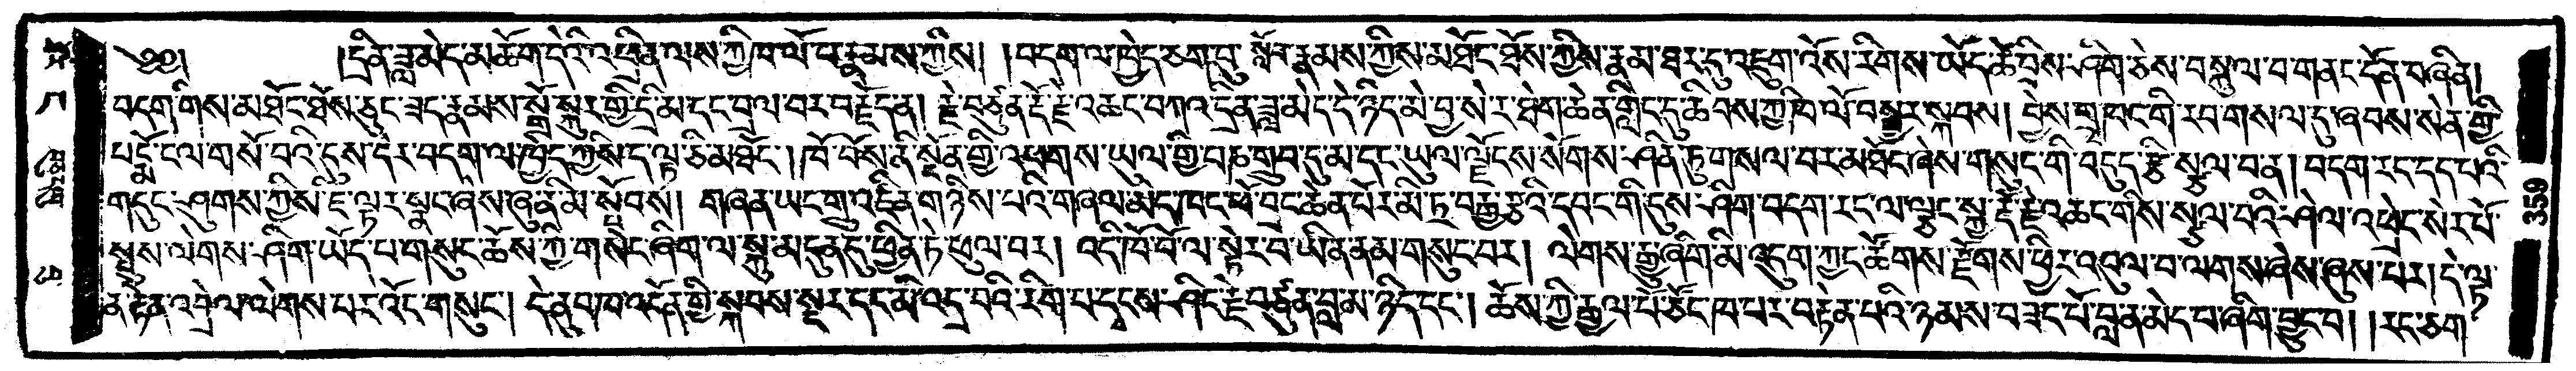༄༅། །དྲིན་ཟླ་མེད་མཆོག་དེའི་འཕྲིན་ལས་ཀྱི་ཁ་ལོ་པ་རྣམས་ཀྱིས། །བདག་ལ་ཁྱེད་ཅག་བུ་སློབ་རྣམས་ཀྱིས་མཐོང་ཐོས་ཀྱིས་རྣམ་ཐར་དུ་འཇུག་འོས་རིགས་ཡོད་ཚེ་བྲིས་ཤིག་ཅེས་བསྐུལ་བ་གནང་དོན་བཞིན།
བདག་གིས་མཐོང་ཐོས་ཅུང་ཟད་རྣམས་སྒྲོ་སྐུར་གྱི་དྲི་མ་དང་བྲལ་བར་བརྗོད་ན། རྗེ་བཙུན་རྡོ་རྗེ་འཆང་བཀའ་དྲིན་ཟླ་མེད་དེ་ཉིད་མེ་བྱ་སེ་ར་ཐེག་ཆེན་གླིང་དུ་ཆིབས་ཀྱི་ཁ་ལོ་བསྒྱུར་སྐབས། བྱེས་གྲྭ་ཁང་གི་རབ་གསལ་དུ་ཞབས་སེན་གྱི་
པདམོ་ངལ་གསོ་བའི་དུས་དེར་བདག་ལ་ཁྱེད་ཀྱིས་ད་ལྟ་ཅི་མཐོང་། ཁོ་བོས་ནི་སྔོན་གྱི་འཕགས་ཡུལ་གྱི་པཎ་གྲུབ་དུ་མ་དང་ཡུལ་ལྗོངས་སོགས་ཤིན་ཏུ་གསལ་བར་མཐོང་ཞེས་གསུང་གི་བདུད་རྩི་སྩལ་བ་ན། བདག་རང་དད་པའི་
གདུང་ཤུགས་ཀྱིས་ཇི་ལྟར་སྣང་ཞེས་ཞུ་ནི་མ་སྤོབས། གཞན་ཡང་གྲུ་འཛིན་གཉིས་པའི་གཞལ་མེད་ཁང་ཕོ་བྲང་ཆེན་པོར་མི་ཏྲ་བརྒྱ་རྩའི་དབང་གི་དུས་ཤིག་བདག་རང་ལ་ལྕང་སྐྱ་རྡོ་རྗེ་འཆང་གིས་སྩལ་བའི་ཤེལ་འཕྲེང་སེར་པོ་
སྤུས་ལེགས་ཤིག་ཡོད་པ་གསུང་ཆོས་ཀྱི་གསེང་ཞིག་ལ་སྐུ་མདུན་དུ་ཕྱིན་ཏེ་ཕུལ་བར། འདི་ཁོ་བོ་ལ་སྟེར་བ་ཡིན་ནམ་གསུང་བར། ལེགས་རྒྱུ་ཞིག་མི་འདུག་ཀྱང་ཚོགས་རྫོགས་ཕྱིར་འབུལ་བ་ལགས་ཞེས་ཞུས་པར། དེ་ལྟ་
ན་རྟེན་འབྲེལ་ལེགས་པར་འོང་གསུང་། དེ་ནུབ་ཁ་འདོན་གྱི་སྐབས་སྔར་དང་མི་འདྲ་བའི་རིག་པ་དྭངས་ཤིང་རྗེ་བཙུན་བླ་མ་ཉིད་དང་། ཆོས་ཀྱི་རྒྱལ་པོ་ཙོང་ཁ་པར་བརྟེན་པའི་ཉམས་བཟང་པོ་བླ་ན་མེད་པ་ཞིག་བྱུང་བ། །རང་ཅག་